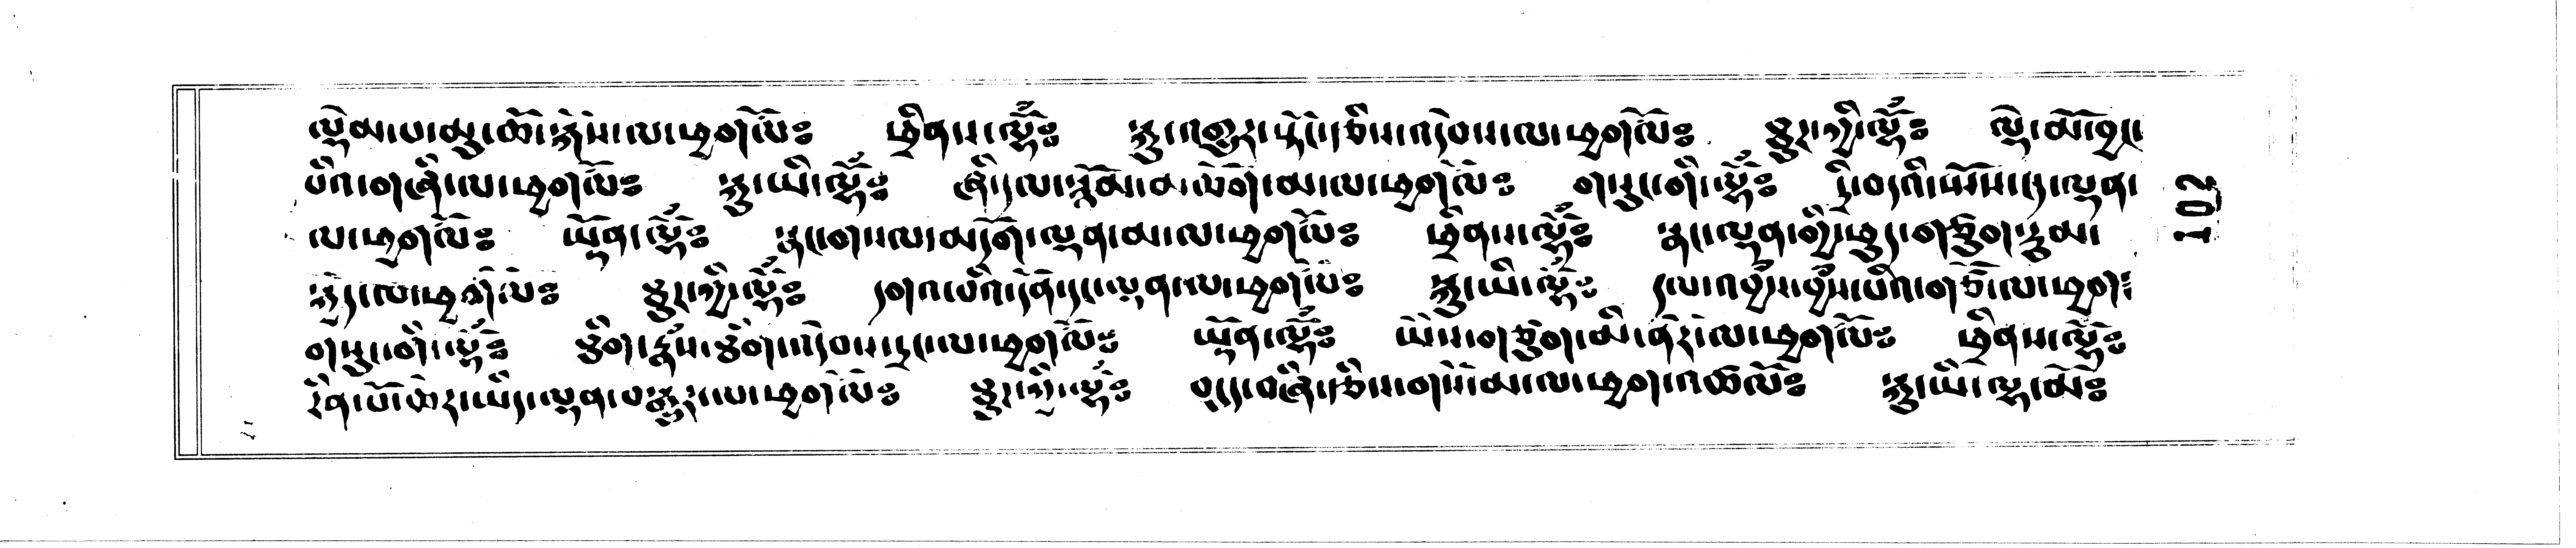ལྡེམ་པ་མུ་ཆོ་སྐོས་ལ་ཕྱག་འཚལ་ལོཿ ཕྲིན་ལས་ཀྱི་ལྷ་མོཿ སྐུ་འགྱུར་སྟོང་རྩིས་འདེབས་ལ་ཕྱག་འཚལ་ལོཿ ཐུགས་ཀྱི་ལྷ་མོཿ ལྡེ་མོ་བྱང་
པའི་གཞི་ལ་ཕྱག་འཚལ་ལོཿ སྐུ་ཡི་ལྷ་མོཿ ཞི་དལ་སྙོམས་མཆོག་མ་ལ་ཕྱག་འཚལ་ལོཿ གསུང་གི་ལྷ་མོཿ དྲི་བདའི་སྤོས་ངད་ལྡན་
ལ་ཕྱག་འཚལ་ལོཿ ཡོན་ཏན་གྱི་ལྷ་མོཿ སྣང་གསལ་མདོག་ལྡན་མ་ལ་ཕྱག་འཚལ་ལོཿ ཕྲིན་ལས་ཀྱི་ལྷ་མོཿ སྣང་ལྡན་གྱི་ཕུད་གཙུག་རུམ་
བསྐྱེད་ལ་ཕྱག་འཚལ་ལོཿ ཐུགས་ཀྱི་ལྷ་མོཿ དགའ་བའི་དོན་དང་ལྡན་ལ་ཕྱག་འཚལ་ལོཿ སྐུ་ཡི་ལྷ་མོཿ དལ་འབྱམས་བྱམས་པའི་གཙོ་ལ་ཕྱག་འཚལ་ལོཿ 
གསུང་གི་ལྷ་མོཿ ཐིག་ནམ་ཐིག་འདེབས་དྲང་ལ་ཕྱག་འཚལ་ལོཿ ཡོན་ཏན་གྱི་ལྷ་མོཿ ཡེ་ཤེས་གཙུག་མི་ནོར་མ་ལ་ཕྱག་འཚལ་ལོཿ ཕྲིན་ལས་ཀྱི་ལྷ་མོཿ 
རིན་པོ་ཆེར་ཡིད་ལྡན་བསྒྱུར་ལ་ཕྱག་འཚལ་ལོཿ ཐུགས་ཀྱི་ལྷ་མོཿ བདུད་བཞི་རྩིས་གསོ་མ་ལ་ཕྱག་འཚལ་ལོཿ སྐུ་ཡི་ལྷ་མོཿ